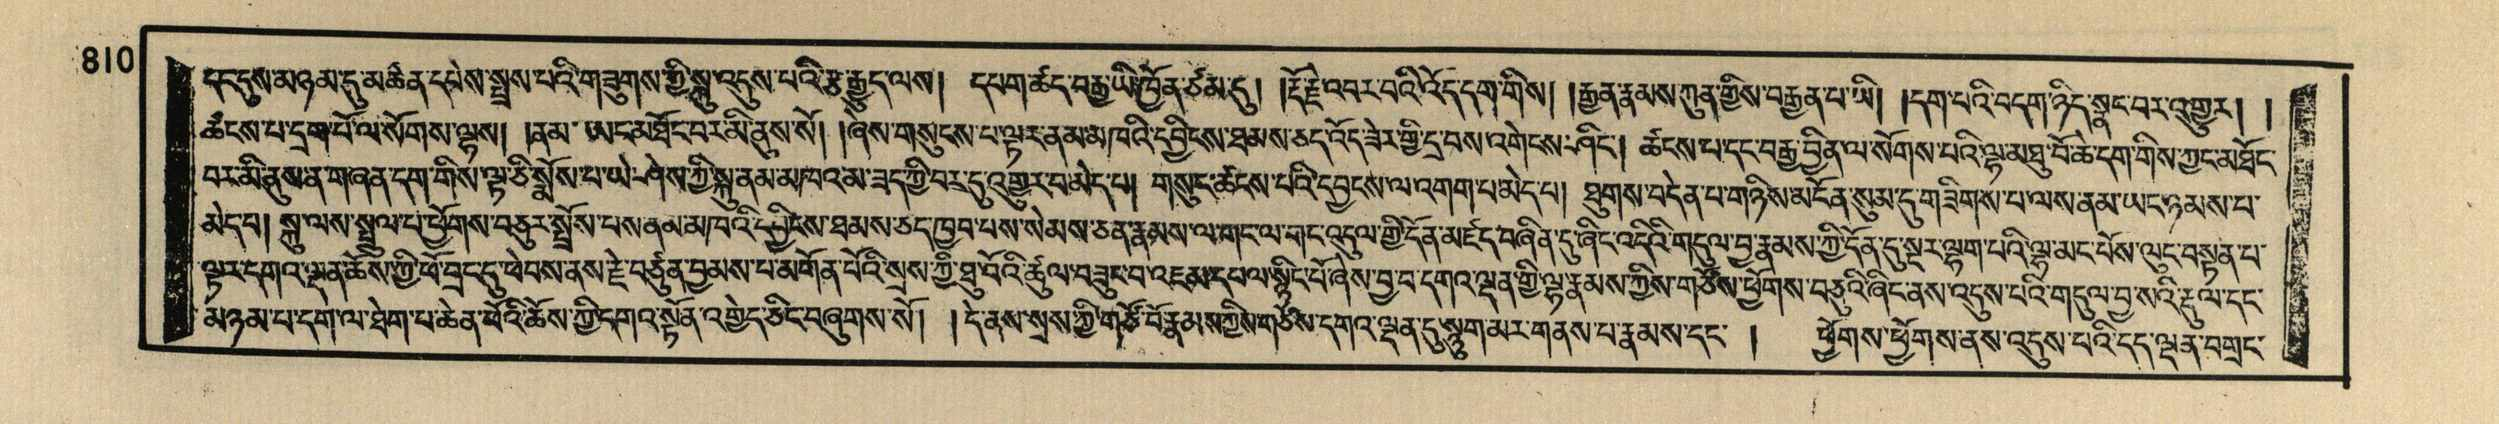དང་དུས་མཉམ་དུ་མཚན་དཔེས་སྤྲས་པའི་གཟུགས་ཀྱི་སྐུ་འདུས་པའི་རྩ་རྒྱུད་ལས། དཔག་ཚད་བརྒྱ་ཡི་ཁྱོན་ཙམ་དུ། །རྡོ་རྗེ་འབར་བའི་འོད་དག་གིས། །རྒྱན་རྣམས་ཀུན་གྱིས་བརྒྱན་པ་ཡི། །དག་པའི་བདག་ཉིད་སྣང་བར་འགྱུར། །
ཚངས་པ་དྲག་པོ་ལ་སོགས་ལྷས། །ནམ་ཨང་མཐོང་བར་མི་ནུས་སོ། །ཞེས་གསུངས་པ་ལྟར་ནམ་མཁའི་དབྱིངས་ཐམས་ཅད་འོད་ཟེར་གྱི་དྲ་བས་འགེངས་ཤིང་། ཚངས་པ་དང་བརྒྱ་བྱིན་ལ་སོགས་པའི་ལྷ་མཐུ་བོ་ཆེ་དག་གིས་ཀྱང་མཐོང་
བར་མི་ནུས་ན་གཞན་དག་གིས་ལྟ་ཅི་སྨོས་པ་ཡེ་ཤེས་ཀྱི་སྐུ་ནམ་མཁའ་མ་ཟད་ཀྱི་བར་དུ་འགྱུར་བ་མེད་པ། གསུང་ཚངས་པའི་དབྱངས་ལ་འགག་པ་མེད་པ། ཐུགས་བདེན་པ་གཉིས་མངོན་སུམ་དུ་གཟིགས་པ་ལས་ནམ་ཡང་ཉམས་པ་
མེད་པ། སྐུ་ལས་སྤྲུལ་པ་ཕྱོགས་བཅུར་སྤྲོས་པས་ནམ་མཁའི་དབྱིངས་ཐམས་ཅད་ཁྱབ་པས་སེམས་ཅན་རྣམས་ལ་གང་ལ་གང་འདུལ་གྱི་དོན་མཛད་བཞིན་དུ་ཞིང་འདིའི་གདུལ་བྱ་རྣམས་ཀྱི་དོན་དུ་སྔར་ལྷག་པའི་ལྷ་མང་པོས་ལུང་བསྟན་པ་
ལྟར་དགའ་ལྡན་ཆོས་ཀྱི་ཕོ་བྲང་དུ་ཕེབས་ནས་རྗེ་བཙུན་བྱམས་པ་མགོན་པོའི་སྲས་ཀྱི་ཐུ་བོའི་ཚུལ་བཟུང་བ་འཇམ་དཔལ་སྙིང་པོ་ཞེས་བྱ་བ་དགའ་ལྡན་གྱི་ལྷ་རྣམས་ཀྱིས་གཙོས་ཕྱོགས་བཅུའི་ཞིང་ནས་འདུས་པའི་གདུལ་བྱ་སའི་རྡུལ་དང་
མཉམ་པ་དགེ་ལ་ཐེག་པ་ཆེན་པོའི་ཆོས་ཀྱི་དགའ་སྟོན་འགྱེད་ཅིང་བཞུགས་སོ། །དེ་ནས་སྲས་ཀྱི་གཙོ་བོ་རྣམས་ཀྱིས་གཙོས་དགའ་ལྡན་དུ་སྙུག་མར་གནས་པ་རྣམས་དང་། ཕྱོགས་ཕྱོགས་ནས་འདུས་པའི་དད་ལྡན་བགྲང་